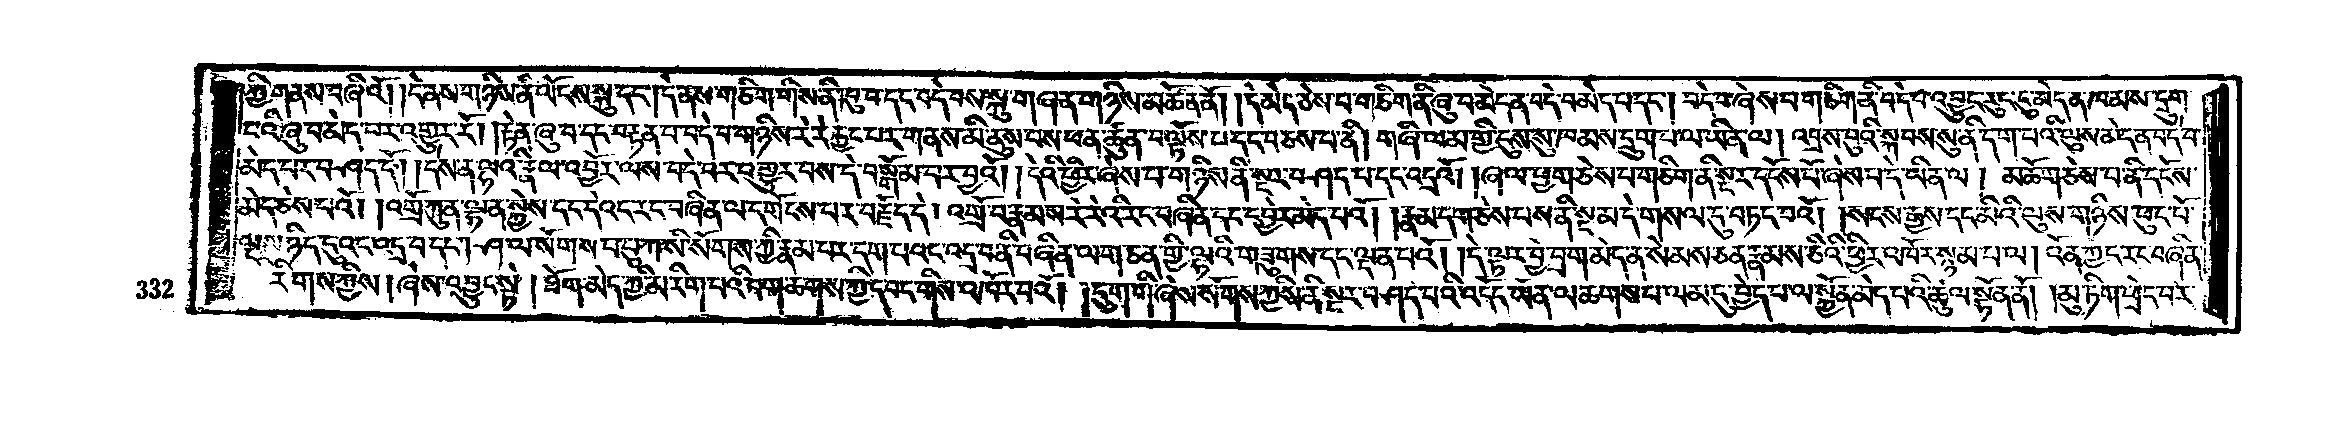ཀྱི་གནས་བཞིའོ། །དེ་ནས་གཉིས་ནི་ལོངས་སྐུ་དང་། དེ་ནས་གཅིག་གིས་ནི་ཁུ་བ་དང་བདེ་བས་སྐུ་གཞན་གཉིས་མཚོན་ནོ། །དེ་མེད་ཅེས་པ་གཅིག་ནི་ཞུ་བ་མེད་ན་བདེ་བ་མེད་པ་དང་། བདེ་བ་ཞེས་པ་གཅིག་ནི་བདེ་བ་འབྱུང་རུང་དུ་མེད་ན་ཁམས་དྲུག་
པའི་ཞུ་བ་མེད་པར་འགྱུར་རོ། །རྟེན་ཞུ་བ་དང་བརྟན་པ་བདེ་བ་གཉིས་རེ་རེ་རྐྱང་པར་གནས་མི་ནུས་པས་ཕན་ཚུན་བལྟོས་པ་དང་བཅས་པ་ནི། གཞི་ལམ་གྱི་དུས་སུ་ཁམས་དྲུག་པ་ལ་ཡིན་ལ། འབྲས་བུའི་སྐབས་སུ་ནི་དག་པའི་ལུས་མེད་ན་བདེ་བ་
མེད་པར་བཤད་དོ། །དེས་ན་ལྷའི་རྣལ་འབྱོར་ལས་བདེ་བར་འགྱུར་བས་དེ་བསྒོམ་པར་བྱའོ། །དེའི་ཕྱིར་ཞེས་པ་གཉིས་ནི་སྔར་བཤད་པ་དང་འདྲའོ། །ཞལ་ཕྱག་ཅེས་པ་གཅིག་ནི་སྔར་དངོས་པོ་ཞེས་པ་དེ་ཡིན་ལ། མཆོག་ཅེས་པ་ནི་དངོས་
མེད་ཅེས་པའོ། །འགྲོ་ཀུན་ལྷན་སྐྱེས་དང་དེའང་རང་བཞིན་ལ་དགོངས་པར་བརྗོད་དེ། འགྲོ་བ་རྣམས་རེ་རེའི་རང་བཞིན་དང་དབྱེར་མེད་པའོ། །རྣམ་དག་ཅེས་པས་ནི་སྔ་མ་དེ་གསལ་དུ་བཏང་བའོ། །སངས་རྒྱས་དང་མིའི་ལུས་གཉིས་ཕུང་པོ་
ལྔ་ལྔ་?་ཉིད་དུའང་འདྲ་བ་དང་། ཤ་ལ་སོགས་པ་པུ་ཀ་སི་སོགས་ཀྱི་རྣམ་པར་དག་པའང་འདྲ་བ་ནི་བཞིན་ལག་ཅན་གྱི་ལྷའི་གཟུགས་དང་ལྡན་པའོ། །དེ་ལྟར་བྱེ་བྲག་མེད་ན་སེམས་ཅན་རྣམས་ཅིའི་ཕྱིར་འཁོར་སྙམ་པ་ལ། འོན་ཀྱང་རང་བཞིན་
རིགས་ཀྱིས། ཞེས་འབྱུང་སྟེ། ཐོག་མེད་ཀྱི་མ་རིག་པའི་བག་ཆགས་ཀྱི་དབང་གིས་འཁོར་བའོ། །དུག་གི་ཞེས་སོགས་ཀྱིས་ནི་སྔར་བཤད་པའི་འདོད་ཡོན་ལ་ཆགས་པ་ལམ་དུ་བྱེད་པ་ལ་སྐྱོན་མེད་པའི་ཚུལ་སྟོན་ནོ། །མུ་ཏིག་ཕྲེང་བར་